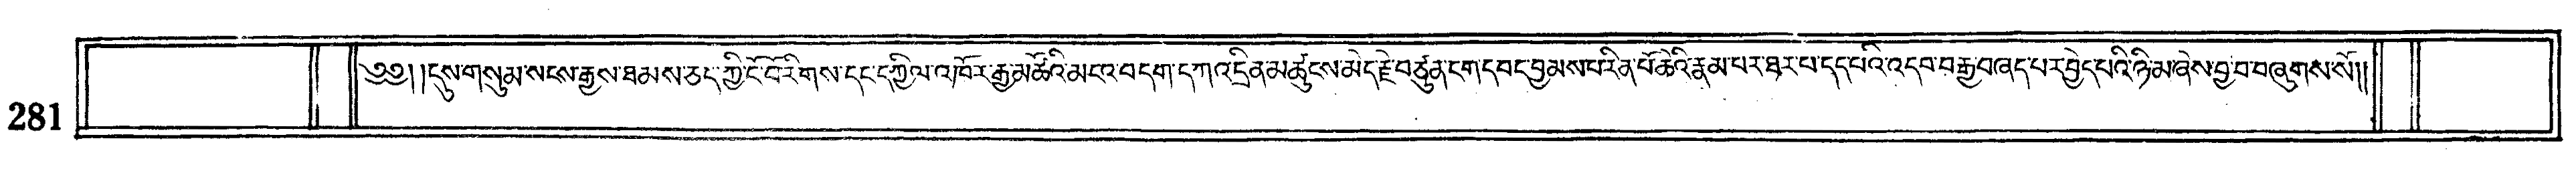༄༅། །དུས་གསུམ་སངས་རྒྱས་ཐམས་ཅད་ཀྱི་ངོ་བོ་རིགས་དང་དཀྱིལ་འཁོར་རྒྱ་མཚོའི་མངའ་བདག་བཀའ་དྲིན་མཚུངས་མེད་རྗེ་བཙུན་ངག་དབང་བྱམས་པ་རིན་པོ་ཆེའི་རྣམ་པར་ཐར་པ་དད་པའི་འདབ་བརྒྱ་བཞད་པར་བྱེད་པའི་ཉི་མ་ཞེས་བྱ་བ་བཞུགས་སོ། །